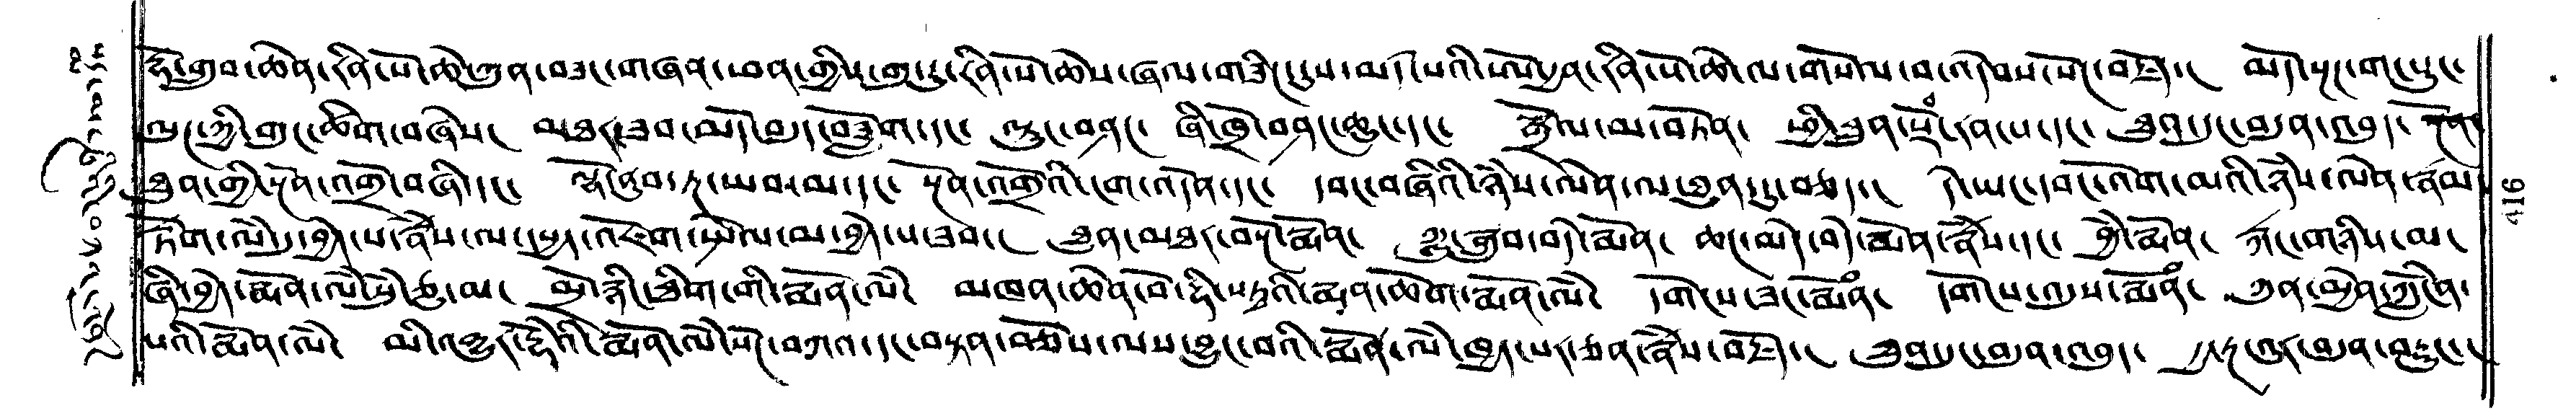རྡོ་གྲུབ་ཆེན་རིན་པོ་ཆེ་ཀུན་བཟང་གཞན་ཕན་གྱིས་གུ་རུ་རིན་པོ་ཆེས་ཞལ་གཟིགས་དུས་མཛད་པའི་ཨོ་རྒྱན་རིན་པོ་ཆེ་ལ་གསོལ་བ་འདེབས་སོགས་བརྗོད། མདོ་སྔགས་གང་རུང་
ལུགས་ཀྱི་གུང་ཚིགས་བཞེས། མཐར་ཟབ་མདོ་བདུད་བཟློག་དང་། ལྟུང་བཤགས། ཞི་ཁྲོ་བཤགས་ཆུང་དང་། སྒྲོལ་མ་འདཽན། ཕྱི་ཐུན་སྡོམ་རན་པ་དང་། ཐུན་དུང་བདུན་འབུད། 
ཐུན་གྱི་སྔོན་འགྲཽ་བཞི་དང་། ལྷོ་ནུབ་རྔ་ཡབ་མ་དང་། སྔོན་འགྲོའི་ངག་འདོན་དང་། དབང་བཞིའི་ཉམས་ལེན་ལ་ཐུན་དུ་གཅད། དེ་ཡང་དབང་འོག་མའི་ཉམས་ལེན་རྣམ་
རྟོག་ལམ་དུ་བྱེད་པ་རྣམས་ལ་དཔྱད་འཇོག་སྤེལ་མ་བྱེད་པ་གཟབ། ཐུན་མཐར་བསྔོ་སྨོན། ཀླུ་སྒྲུབ་བདེ་སྨོན། ཆགས་མེད་བདེ་སྨོན་རྣམས་དང་། བྱམས་སྨོན་ རྐང་གཉིས་མ། 
ཞི་བྱེད་སྨོན་ལམ་སུམ་ཅུ་མ། མཁའ་འགྲོ་སྙིང་ཐིག་གི་སྨོན་ལམ། མཁན་ཆེན་བོ་དྷི་སཏྭའི་སྨན་ཆོག་སྨོན་ལམ། དགོངས་ཟང་སྨོན་ལམ། དགོངས་འདུས་སྨོན་ལམ། ཀུན་མཁྱེན་ཀློང་ཆེན་
པའི་སྨོན་ལམ། མི་འགྱུར་རྡོ་རྗེའི་སྨོན་ལམ་སོགས་བཀའ་དང་བསྟན་བཅོས་ལས་བྱུང་བའི་སྨོན་ལམ་ཁྱད་པར་ཅན་རྣམས་བརྗོད། ཐུན་དུང་བདུན་འབུད། རྒྱ་རྔ་འུར་བདུན་རྡུང་།